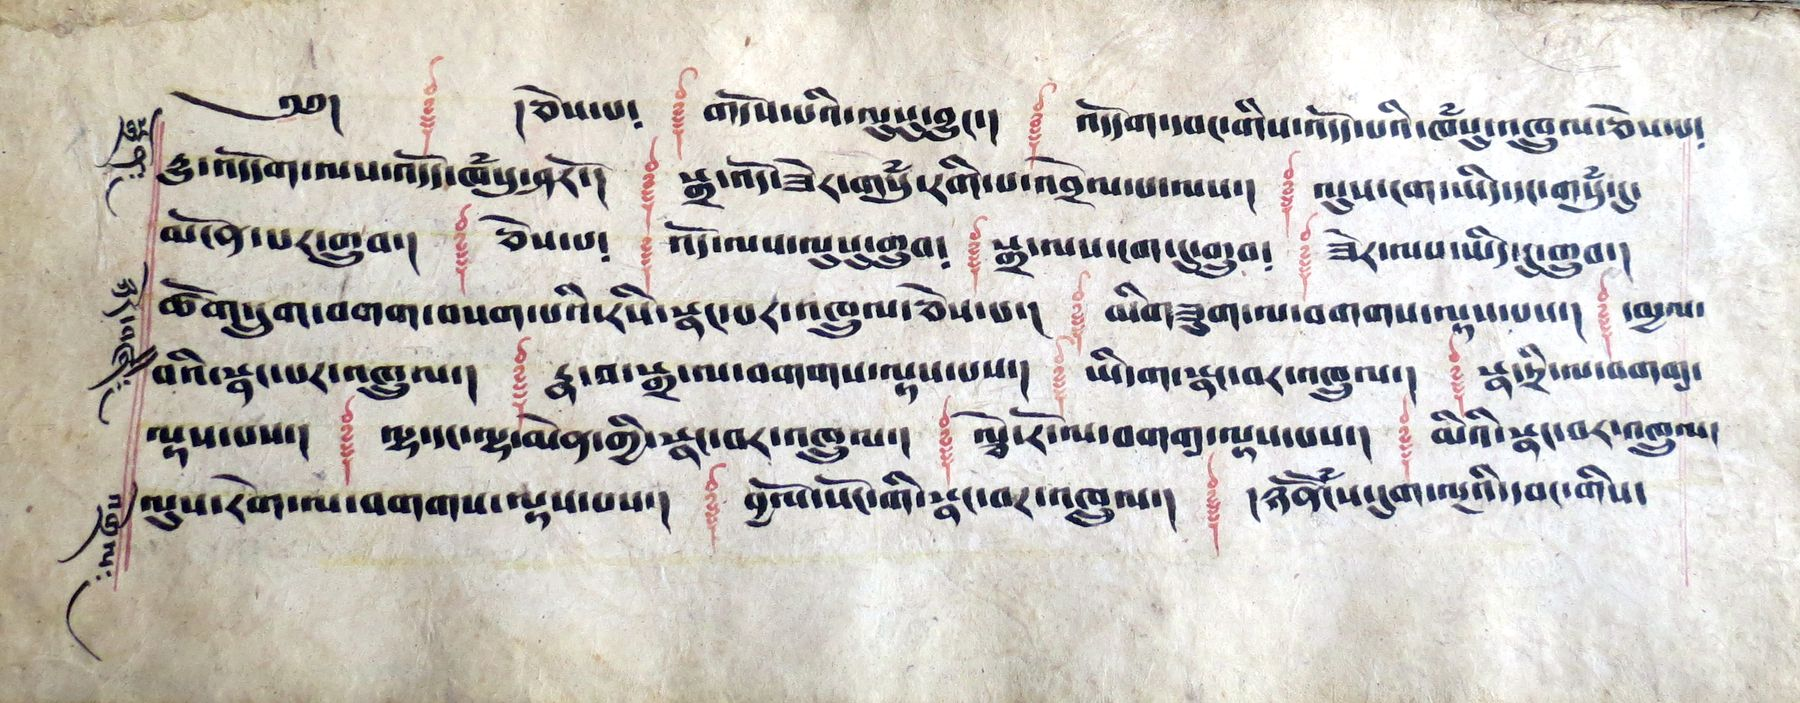ཅེས་པས་གདོས་པའི་ལུས་སུ་བྱུང་། འདོད་ཆགས་དབང་གིས་འདོད་པའི་ཁམས་སུ་འཁྲུལ། །ཞེས་པས། 
རྒྱུ་འདོད་ཆགས་ལས་འདོད་ཁམས་སུ་ཤར་རོ། །སྒྲ་འོད་ཟེར་གསུམ་རིག་པ་འབྲེལ་བ་ལས། ལུས་ངག་ཡིད་དང་གསུམ་དུ་
མངོན་པར་གྲུབ་ཅེས་པས། འོད་ལས་ལུས་སུ་གྲུབ། སྒྲ་ལས་ངག་ཏུ་གྲུབ། ཟེར་ལས་ཡིད་དུ་གྲུབ། 
ཚོགས་དྲུག་བག་ཆགས་བསགས་པས་རིས་དྲུག་སྣང་བར་འཁྲུལ། །ཞེས་པས་མིག་གཟུགས་ལ་བག་ཆགས་བརྟས་པས། དམྱལ་
བའི་སྣང་བར་འཁྲུལ། རྣ་བ་སྒྲ་ལ་བག་ཆགས་བརྟས་པས། ཡིད་བཏགས་སྣང་བར་འཁྲུལ། སྣ་དྲི་ལ་བག་ཆགས་
བརྟས་པས། ལྷ་དང་ལྷ་མ་ཡིན་གྱི་སྣང་བར་འཁྲུལ། ལྕེ་རོ་ལ་བག་ཆགས་བརྟས་པས། མིའི་སྣང་བར་འཁྲུལ། 
ལུས་རེག་ལ་བག་ཆགས་བརྟས་པས། བྱོལ་སོང་གི་སྣང་བར་འཁྲུལ་ལོ། །ཉོན་མོངས་དུག་ལྔའི་དབང་གིས་